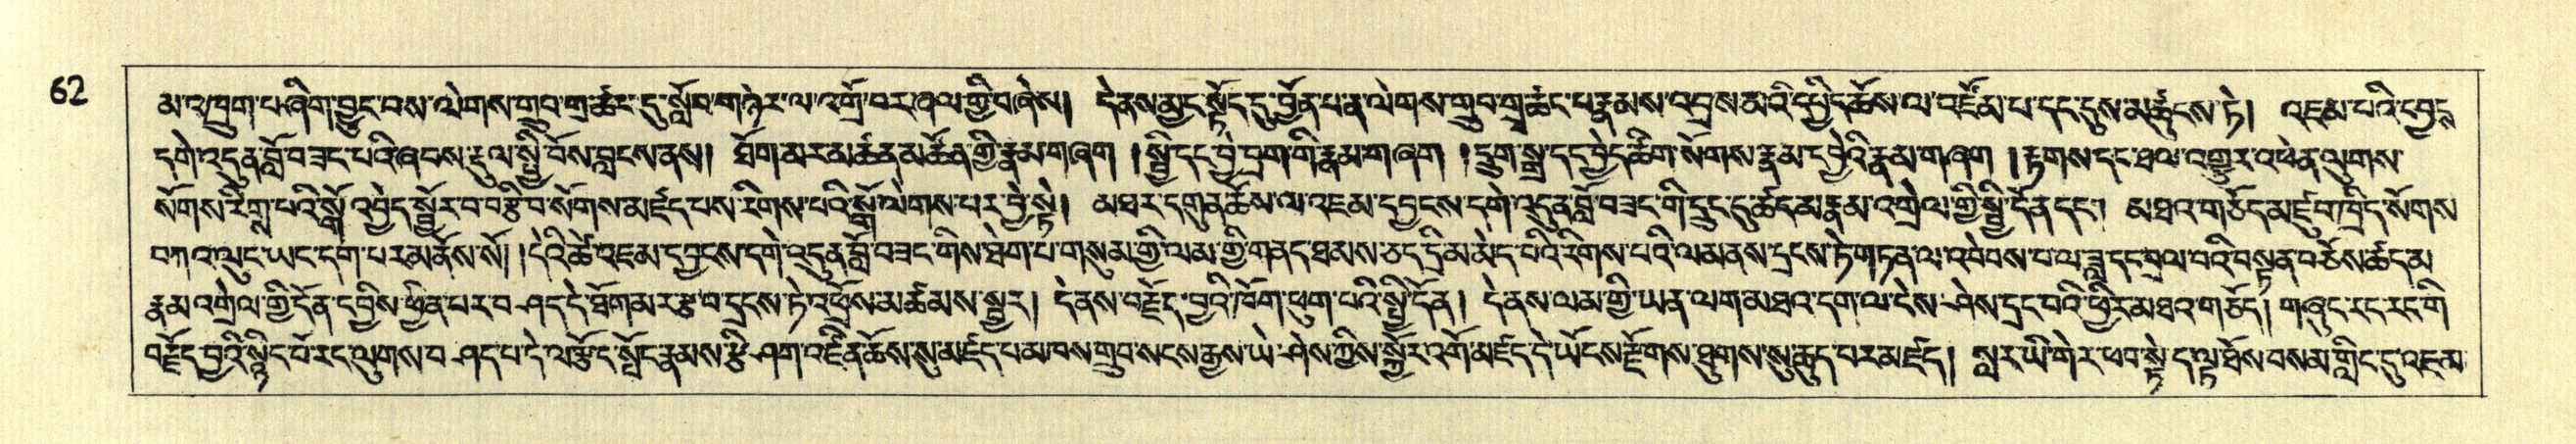མ་འཁྲུག་པ་ཞིག་བྱུང་བས་ལེགས་གྲུབ་གྲ་ཚང་དུ་སློབ་གཉེར་ལ་འགྲོ་བར་ཞལ་གྱི་བཞེས། དེ་ནས་མྱང་སྟོད་དུ་བྱོན་པ་ན་ལེགས་གྲུབ་གྲྭ་ཚང་པ་རྣམས་འབྲས་མའི་དཔྱིད་ཆོས་ལ་འཛོམ་པ་དང་དུས་མཚུངས་ཏེ། འཇམ་པའི་དབྱངས་
དགེ་འདུན་བློ་བཟང་པའི་ཞབས་རྡུལ་སྤྱི་བོས་བླངས་ནས། ཐོག་མར་མཚན་མཚོན་གྱི་རྣམ་གཞག །སྤྱི་དང་བྱེ་བྲག་གི་རྣམ་རྟགས་དང་ཐལ་འགྱུར་འཕེན་ལུགས་རྟགས་དང་ཐལ་འགྱུར་འཕེན་ལུགས་
སོགས་རིགས་པའི་སྒོ་འབྱེད་སྦྱོར་བ་བརྩི་བ་སོགས་མཛད་པས་རིགས་པའི་སྒོ་ལེགས་པར་བྱེ་སྟེ། མཐར་དགུན་ཆོས་ལ་འཇམ་དབྱངས་དགེ་འདུན་བློ་བཟང་གི་དྲུང་དུ་ཚད་མ་རྣམས་འགྲེལ་གྱི་སྤྱི་དོན་དང་། མཐའ་གཅོད་མཛུབ་ཁྲིད་སོགས་
བཀའ་ལུང་ཡང་དག་པར་མནོས་སོ། །དེའི་ཚེ་འཇམ་དབྱངས་དགེ་འདུན་བློ་བཟང་གིས་ཐེག་པ་གསུམ་གྱི་ལམ་གྱི་གནད་ཐམས་ཅད་དྲི་མ་མེད་པའི་རིགས་པའི་ལམ་ནས་དྲངས་ཏེ་གཏན་ལ་འབེབས་པ་ལ་ཟླ་དང་བྲལ་བའི་བསྟན་བཅོས་ཚད་མ་
རྣམ་འགྲེལ་གྱི་དོན་དབྱིས་ཕྱིན་པར་བཤད་དེ་ཐོག་མར་རྩ་བ་དྲངས་ཏེ་འཕྲོས་མཚམས་སྦྱར། དེ་ནས་བརྗོད་བྱའི་ཁོག་ཕུག་པའི་སྤྱི་དོན། དེ་ནས་ལམ་གྱི་ཡན་ལག་མཐའ་དག་ལ་ངེས་ཤེས་དྲང་བའི་ཕྱིར་མཐའ་གཅོད། གཞུང་རང་རང་གི་
བརྗོད་བྱའི་སྙིང་པོ་རང་ལུགས་བཤད་པ་དེ་ལ་རྩོད་སྤོང་རྣམས་རྩི་ཤག་འཛིན་ཆོས་སུ་མཛད་པ་མཁས་གྲུབ་སངས་རྒྱས་ཡེ་ཤེས་ཀྱིས་སྐྱོར་འོག་མཛད་དེ་ཡོངས་རྫོགས་ཐུགས་སུ་ཆུད་པར་མཛད། སླར་ཡི་གེར་ཕབ་སྟེ་ད་ལྟ་ཐོས་བསམ་གླིང་དུ་འཇམ་